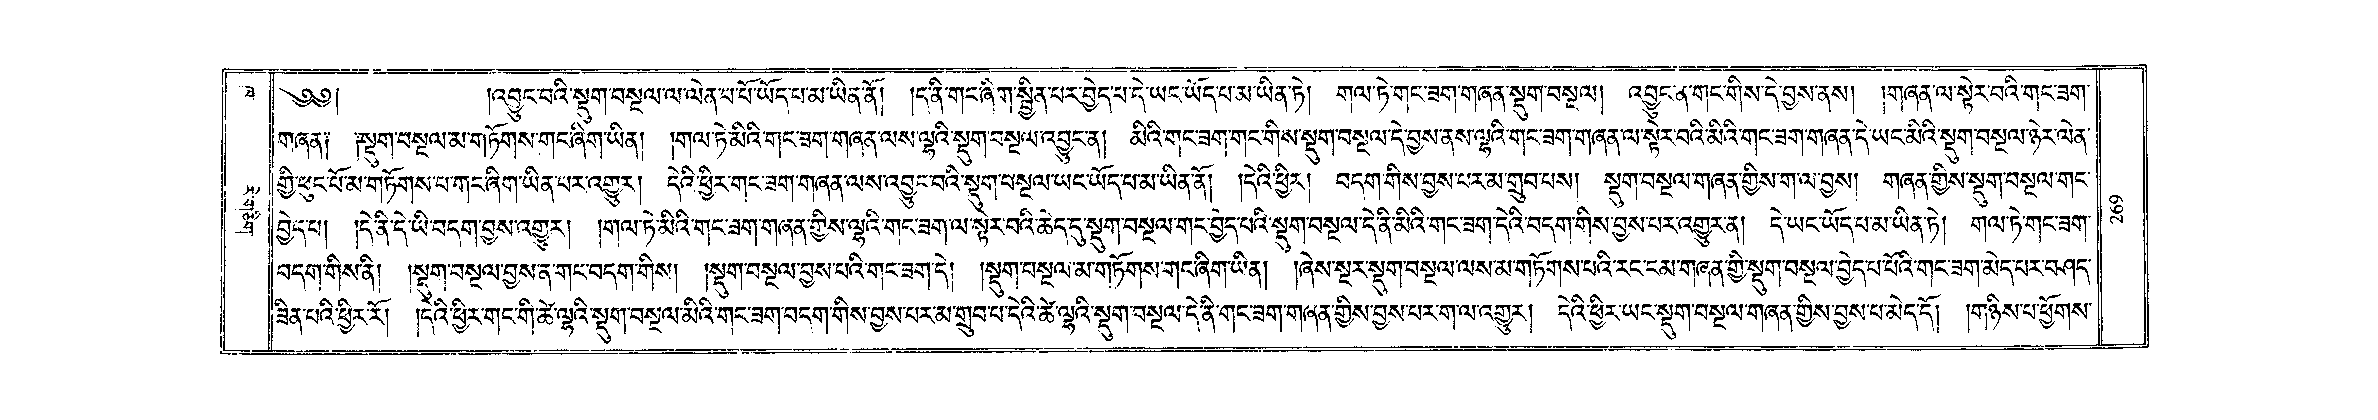༄༅། །འབྱུང་བའི་སྡུག་བསྔལ་ལ་ལེན་པ་པོ་ཡོད་པ་མ་ཡིན་ནོ། །ད་ནི་གང་ཞིག་སྦྱིན་པར་བྱེད་པ་དེ་ཡང་ཡོད་པ་མ་ཡིན་ཏེ། གལ་ཏེ་གང་ཟག་གཞན་སྡུག་བསྔལ། འབྱུང་ན་གང་གིས་དེ་བྱས་ནས། །གཞན་ལ་སྟེར་བའི་གང་ཟག་
གཞན༑ ༑སྡུག་བསྔལ་མ་གཏོགས་གང་ཞིག་ཡིན། །གལ་ཏེ་མིའི་གང་ཟག་གཞན་ལས་ལྷའི་སྡུག་བསྔལ་འབྱུང་ན། མིའི་གང་ཟག་གང་གིས་སྡུག་བསྔལ་དེ་བྱས་ནས་ལྷའི་གང་ཟག་གཞན་ལ་སྟེར་བའི་མིའི་གང་ཟག་གཞན་དེ་ཡང་མིའི་སྡུག་བསྔལ་ཉེར་ལེན་
གྱི་ཕུང་པོ་མ་གཏོགས་པ་གང་ཞིག་ཡིན་པར་འགྱུར། དེའི་ཕྱིར་གང་ཟག་གཞན་ལས་འབྱུང་བའི་སྡུག་བསྔལ་ཡང་ཡོད་པ་མ་ཡིན་ནོ། །དེའི་ཕྱིར། བདག་གིས་བྱས་པར་མ་གྲུབ་པས། སྡུག་བསྔལ་གཞན་གྱིས་ག་ལ་བྱས། གཞན་གྱིས་སྡུག་བསྔལ་གང་
བྱེད་པ། །དེ་ནི་དེ་ཡི་བདག་བྱས་འགྱུར། །གལ་ཏེ་མིའི་གང་ཟག་གཞན་གྱིས་ལྷའི་གང་ཟག་ལ་སྟེར་བའི་ཆེད་དུ་སྡུག་བསྔལ་གང་བྱེད་པའི་སྡུག་བསྔལ་དེ་ནི་མིའི་གང་ཟག་དེའི་བདག་གིས་བྱས་པར་འགྱུར་ན། དེ་ཡང་ཡོད་པ་མ་ཡིན་ཏེ། གལ་ཏེ་གང་ཟག་
བདག་གིས་ནི། །སྡུག་བསྔལ་བྱས་ན་གང་བདག་གིས། །སྡུག་བསྔལ་བྱས་པའི་གང་ཟག་དེ། །སྡུག་བསྔལ་མ་གཏོགས་གང་ཞིག་ཡིན། །ཞེས་སྔར་སྡུག་བསྔལ་ལས་མ་གཏོགས་པའི་རང་ངམ་གཞན་གྱི་སྡུག་བསྔལ་བྱེད་པ་པོའི་གང་ཟག་མེད་པར་བཤད་
ཟིན་པའི་ཕྱིར་རོ། །དེའི་ཕྱིར་གང་གི་ཚེ་ལྷའི་སྡུག་བསྔལ་མིའི་གང་ཟག་བདག་གིས་བྱས་པར་མ་གྲུབ་པ་དེའི་ཚེ་ལྷའི་སྡུག་བསྔལ་དེ་ནི་གང་ཟག་གཞན་གྱིས་བྱས་པར་ག་ལ་འགྱུར། དེའི་ཕྱིར་ཡང་སྡུག་བསྔལ་གཞན་གྱིས་བྱས་པ་མེད་དོ། །གཉིས་པ་ཕྱོགས་